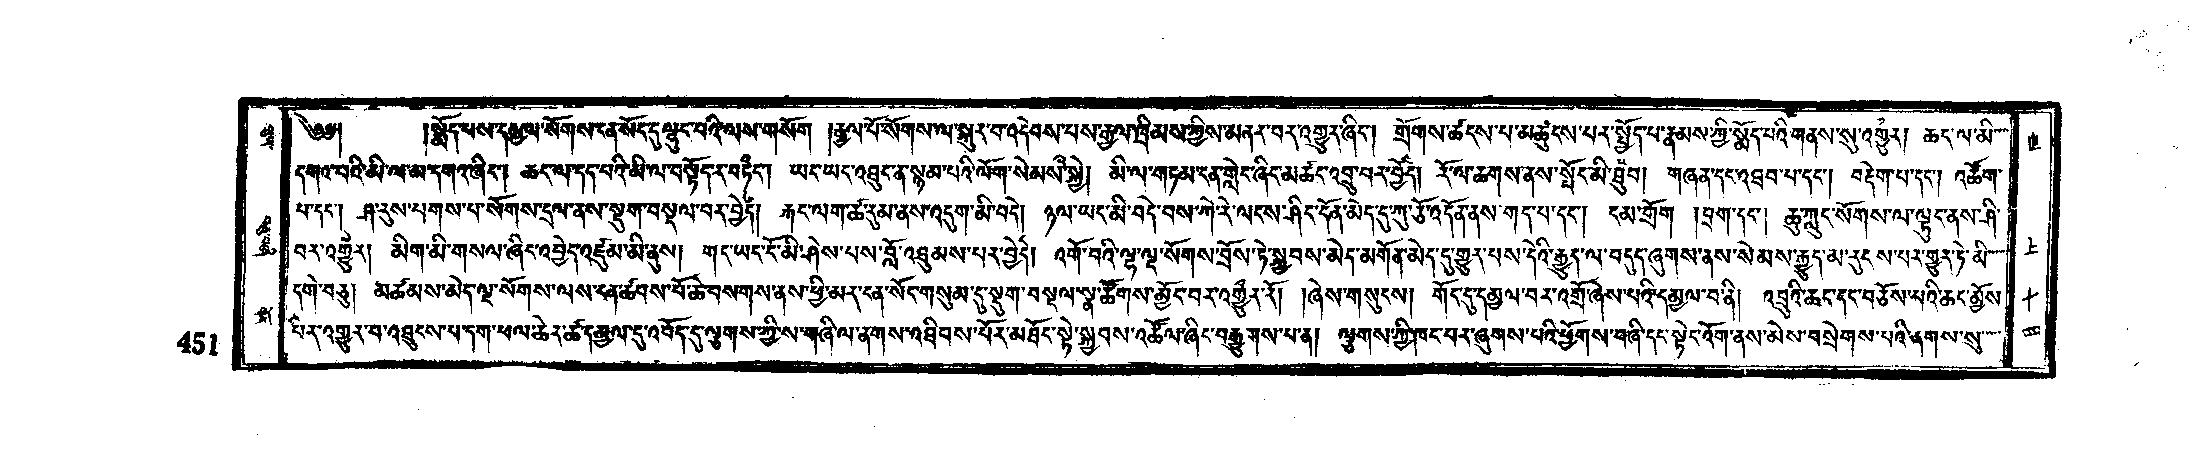༄༅། །སྨོད་པས་དམྱལ་སོགས་ངན་སོང་དུ་ལྷུང་བའི་ལས་གསོག །རྒྱལ་པོ་སོགས་ལ་སྐུར་བ་འདེབས་པས་རྒྱལ་ཁྲིམས་ཀྱིས་མནར་བར་འགྱུར་ཞིང་། གྲོགས་ཚངས་པ་མཚུངས་པར་སྤྱོད་པ་རྣམས་ཀྱི་སྨོད་པའི་གནས་སུ་འགྱུར༡། ཆང་ལ་མི་
དགའ་བའི་མི་ལ་མ་དགའ་ཞིང་། ཆང་ལ་དད་པའི་མི་ལ་བསྟོད་ར་བཏང༢། ཡང་ཡང་འཐུང་ན་སྙམ་པའི་ལོག་སེམས༣་སྐྱེ། མི་ལ་གཏམ་ངན་གླེང་ཞིང་མཚང་འབྲུ་བར་བྱེད༤། རོ་ལ་ཆགས་ནས་སྤོང་མི་ཐུབ༥། གཞན་དང་འཐབ་པ་དང་། བརྡེག་པ་དང་། འཚོག་
པ་དང་། ཤ་རུས་པགས་པ་སོགས་དྲལ་ནས་སྡུག་བསྔལ་བར་བྱེད༦། རྐང་ལག་ཚ་རུམ་ནས་འདུག་མི་བདེ། ཉལ་ཡང་མི་བདེ་བས་ཀེ་རེ་ལངས་ཤིང་དོན་མེད་དུ་ཀུ་ཅོ་འདོན་ནས་གད་པ་དང་། ངམ་གྲོག །བྲག་དང་། ཆུ་ཀླུང་སོགས་ལ་ལྟུང་ནས་ཤི་
བར་འགྱུར༧། མིག་མི་གསལ་ཞིང་འབྱེད་འཛུམ་མི་ནུས། གང་ཡང་ངོ་མི་ཤེས་པས་བློ་འཐུམས་པར་བྱེད༨། འགོ་བའི་ལྷ་ལྔ་སོགས་བྲོས་ཏེ་སྐྱབས་མེད་མགོན་མེད་དུ་གྱུར་པས་དེའི་རྒྱུད་ལ་བདུད་ཞུགས་ནས་སེམས་རྒྱུད་མ་རུངས་པར་གྱུར་ཏེ་མི་
དགེ་བཅུ། མཚམས་མེད་ལྔ་སོགས་ལས་ངན་ཚབས་པོ་ཆེ་བསགས་ནས་ཕྱི་མར་ངན་སོང་གསུམ་དུ་སྡུག་བསྔལ་སྣ་ཚོགས་མྱོང་བར་འགྱུར༩་རོ། །ཞེས་གསུངས། གོང་དུ་དམྱལ་བར་འགྲོ་ཞེས་པའི་དམྱལ་བ་ནི། འབྲུའི་ཆང་དང་བཅོས་པའི་ཆང་མྱོས་
པར་འགྱུར་བ་འཐུངས་པ་དག་ཕལ་ཆེར་ཚ་དམྱལ་དུ་འབོད་དུ་ལྕགས་ཀྱི་ས་གཞི་ལ་ནགས་འཐིབས་པོར་མཐོང་སྟེ་སྐྱབས་འཚོལ་ཞིང་བརྒྱུགས་པ་ན། ལྕགས་ཀྱི་ཁང་པར་ཞུགས་པའི་ཕྱོགས་བཞི་དང་སྟེང་འོག་ནས་མེས་བསྲེགས་པའི་ནགས་སུ་